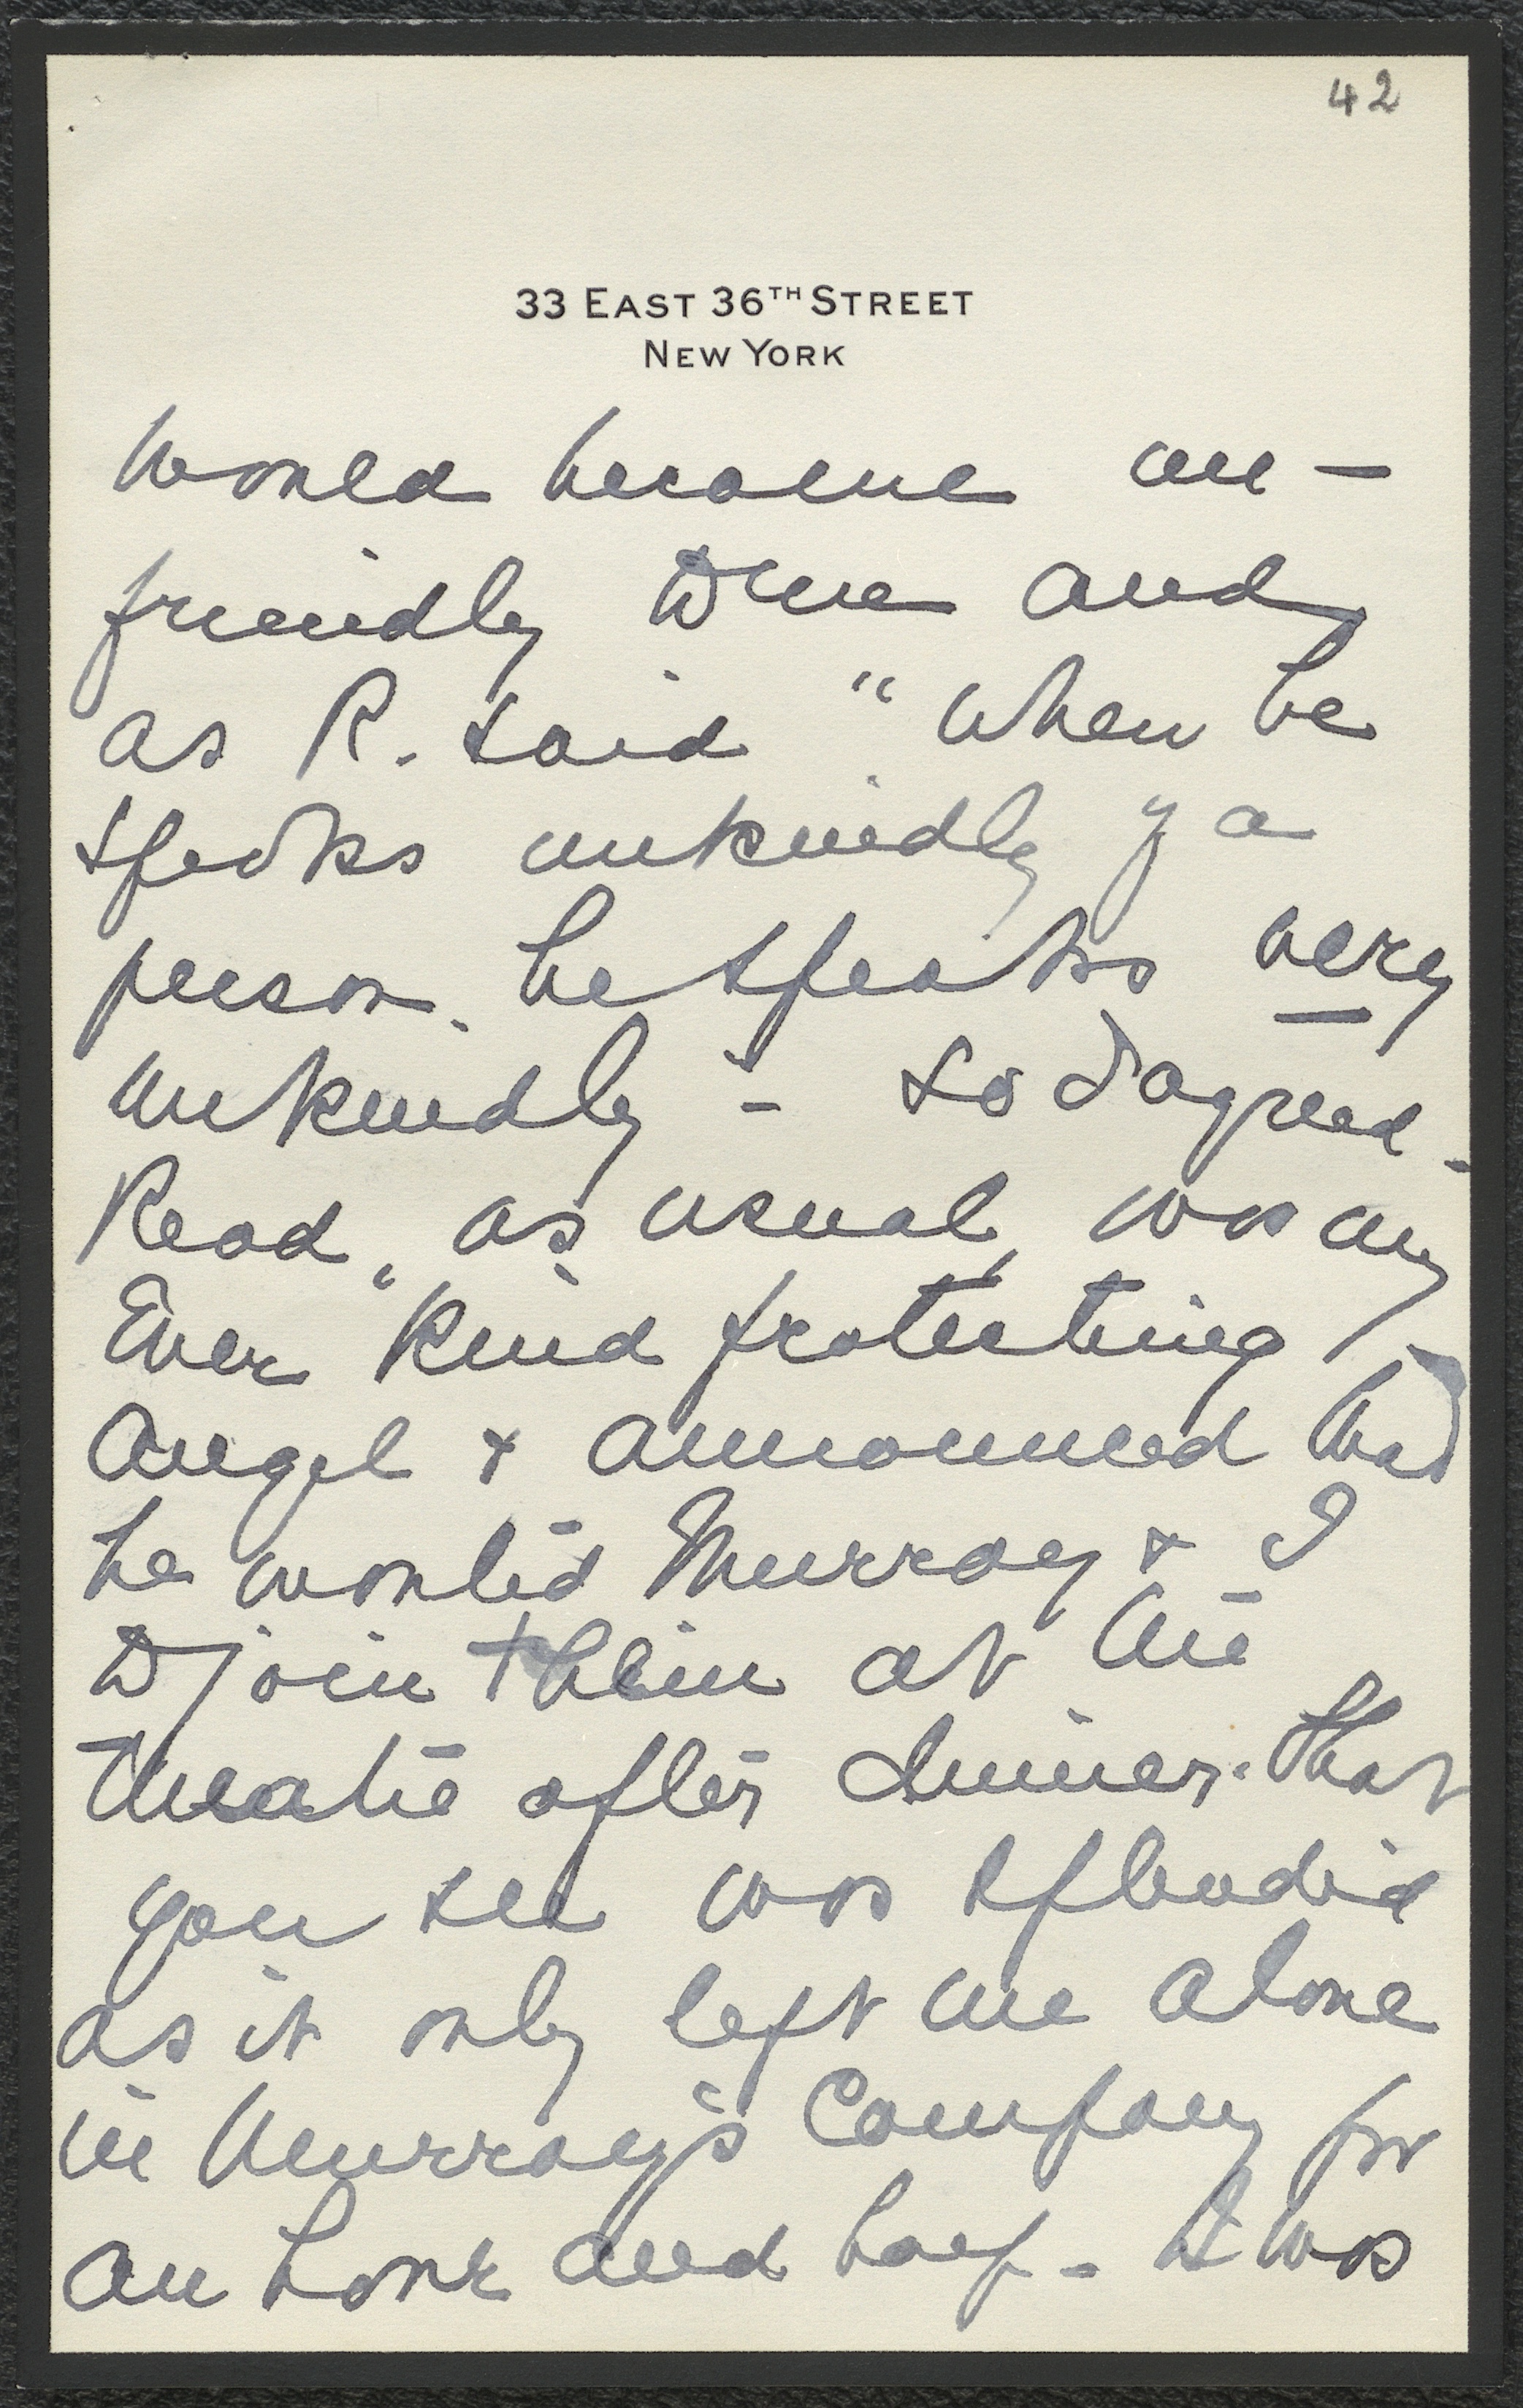would become unfriendly to me and as R. said “when he speaks unkindly of a person, he speaks very unkindly – so I agreed – Read, as usual, was my ever kind protecting angel & announced that he wanted Murray & I to join them at the theatre after dinner. That you see was splendid as it only left me alone in Murray’s company for an hour and half – I was